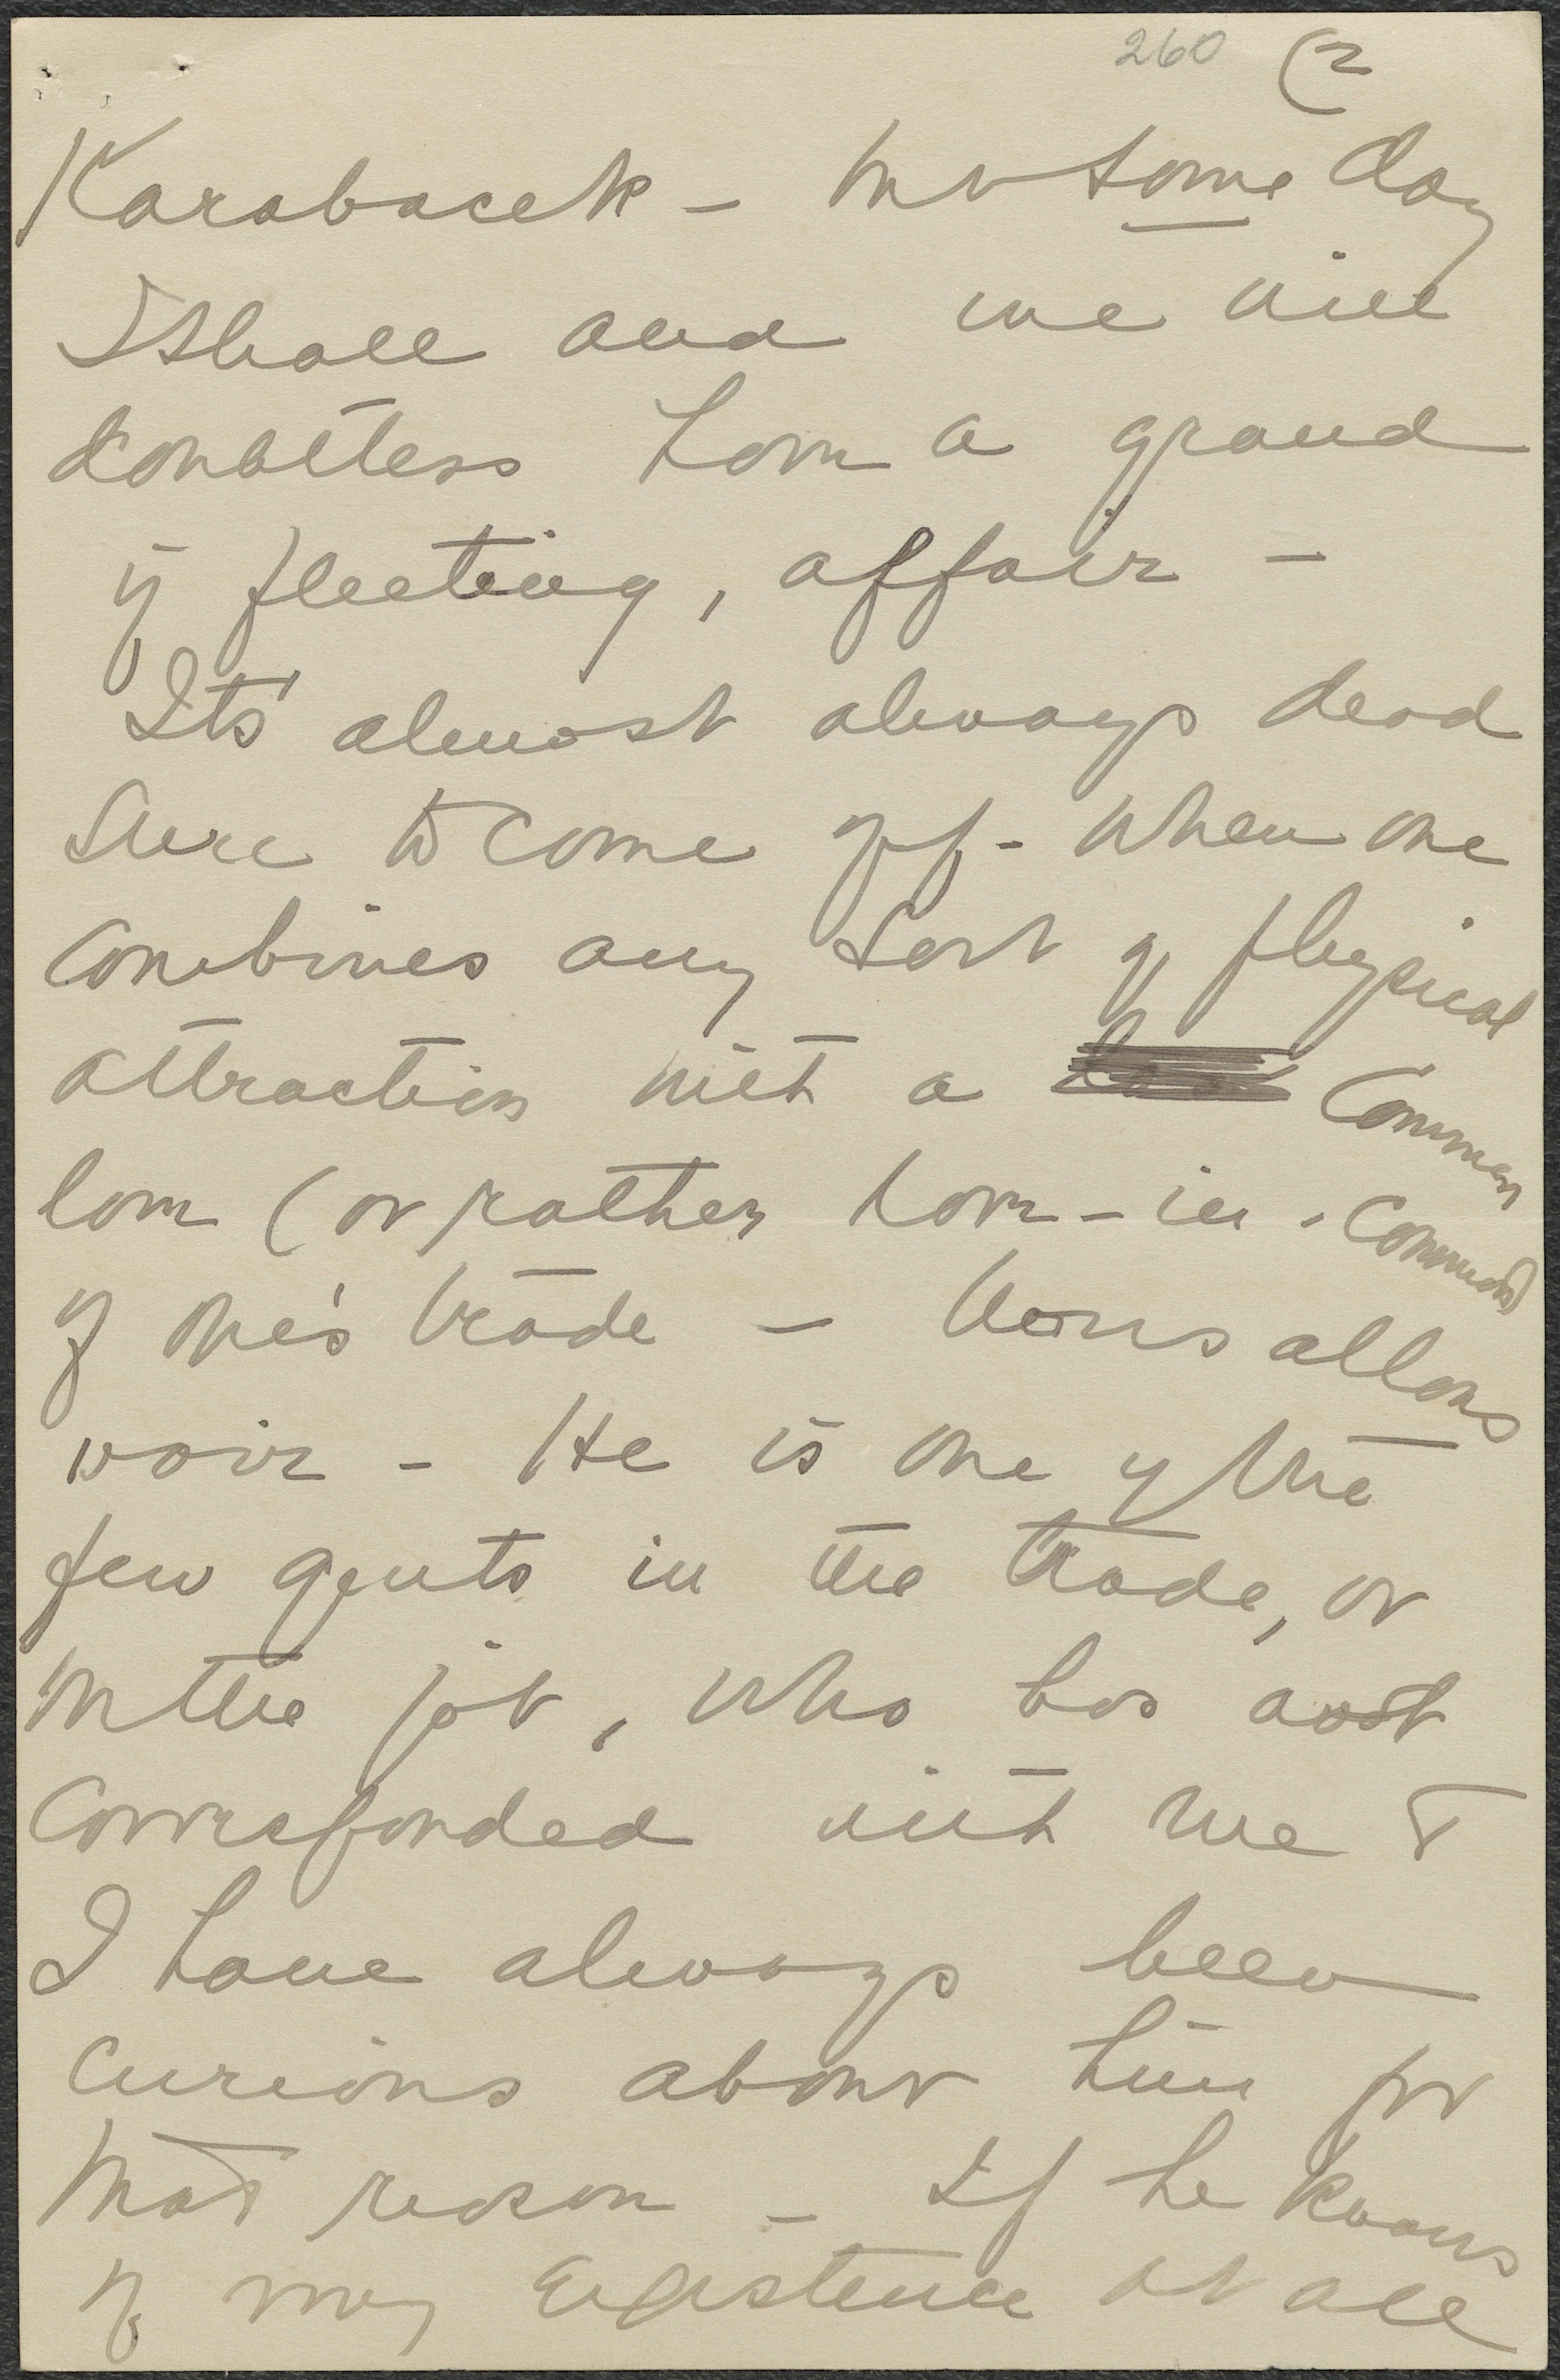(2
Karabacek – but some day I shall and we will doubtless have a grand if fleeting, affair –
It’s almost always dead sure to come off – when one combines any sort of physical attraction with a [illegible omission] common love (or rather love-in-common) of one’s trade – Nous allons voir – He is one of the few gents in the trade, or in the job, who has not corresponded with me & I have always been curious about him for that reason – If he knows of my existence at all